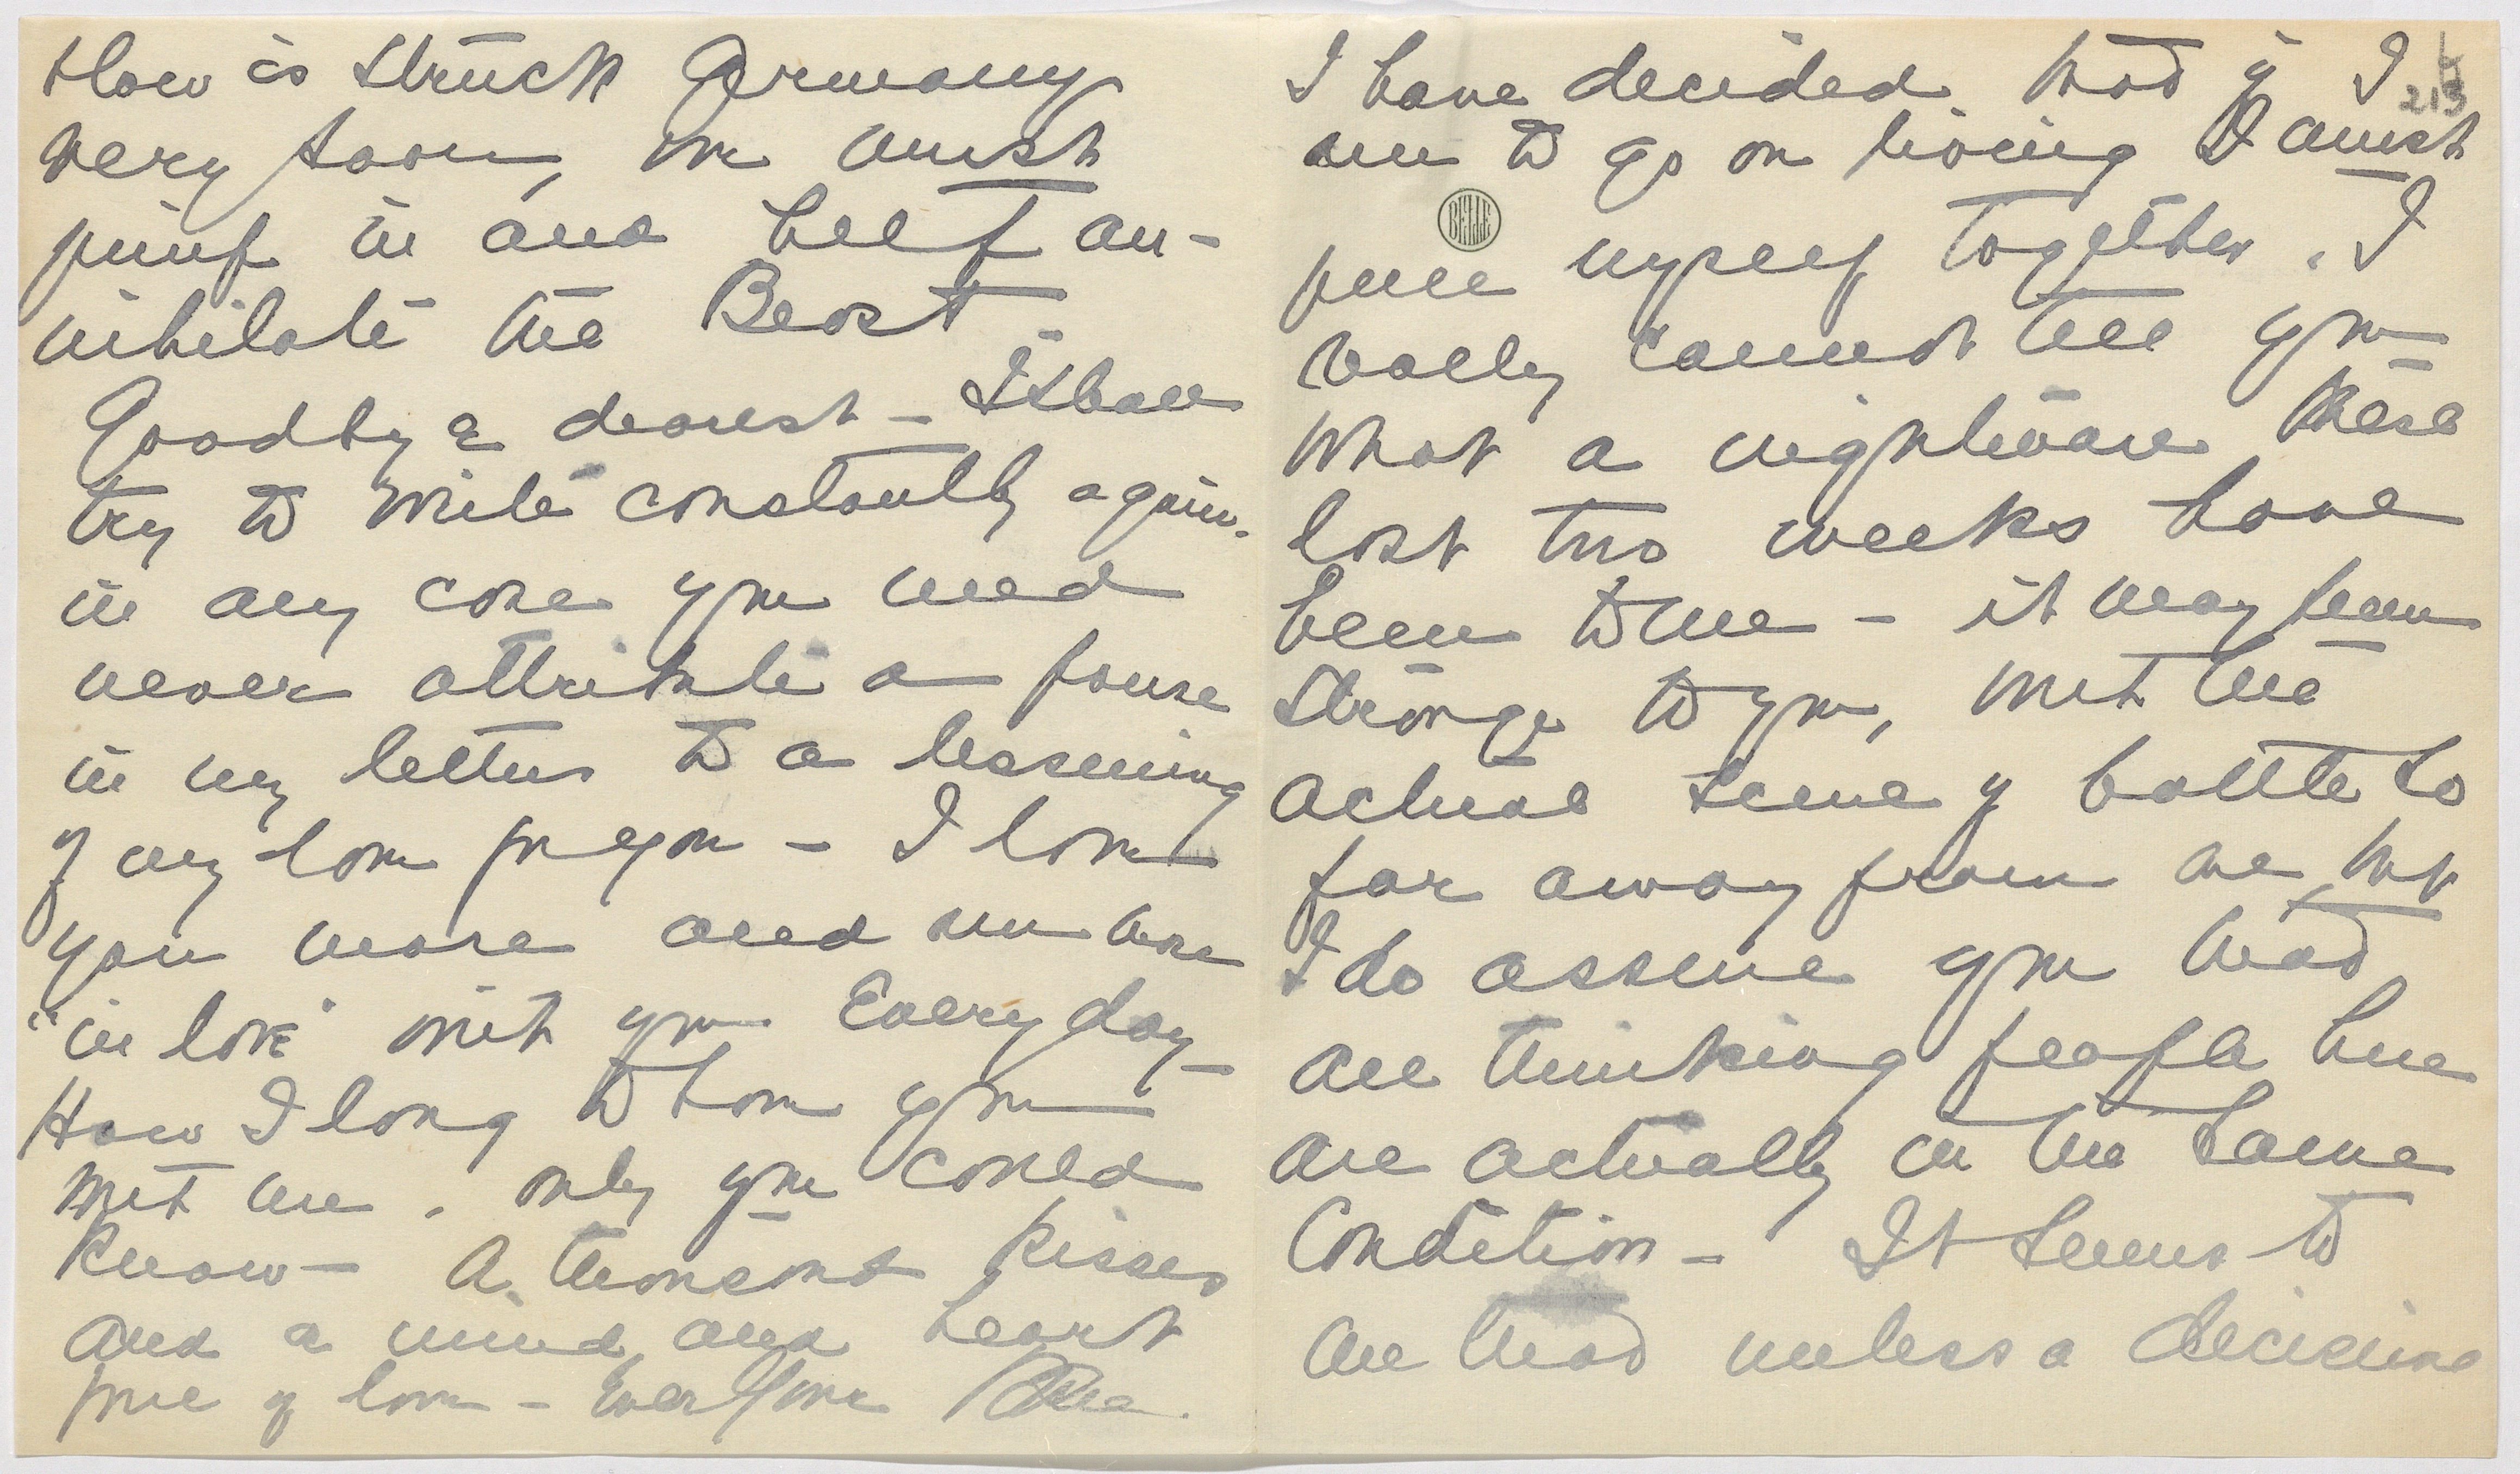I have decided that if I am to go on living I must pull myself together. I really cannot tell you what a nightmare these last two weeks have been to me – it may seem strange to you, with the actual scene of battle so far away from me, but I do assure you that all thinking people here are actually in the same condition – It seems to me that unless a decisive
blow is struck Germany very soon, we must jump in and help annihilate the Beast –
Goodby dearest – I shall try to write constantly again. in any case you need never attribute a pause in my letter to a lessening of my love for you – I love you more and am more “in love” with you everyday – How I long to have you with me, only you could know – a thousand kisses and a mind and heart full of love – Ever your Belle.